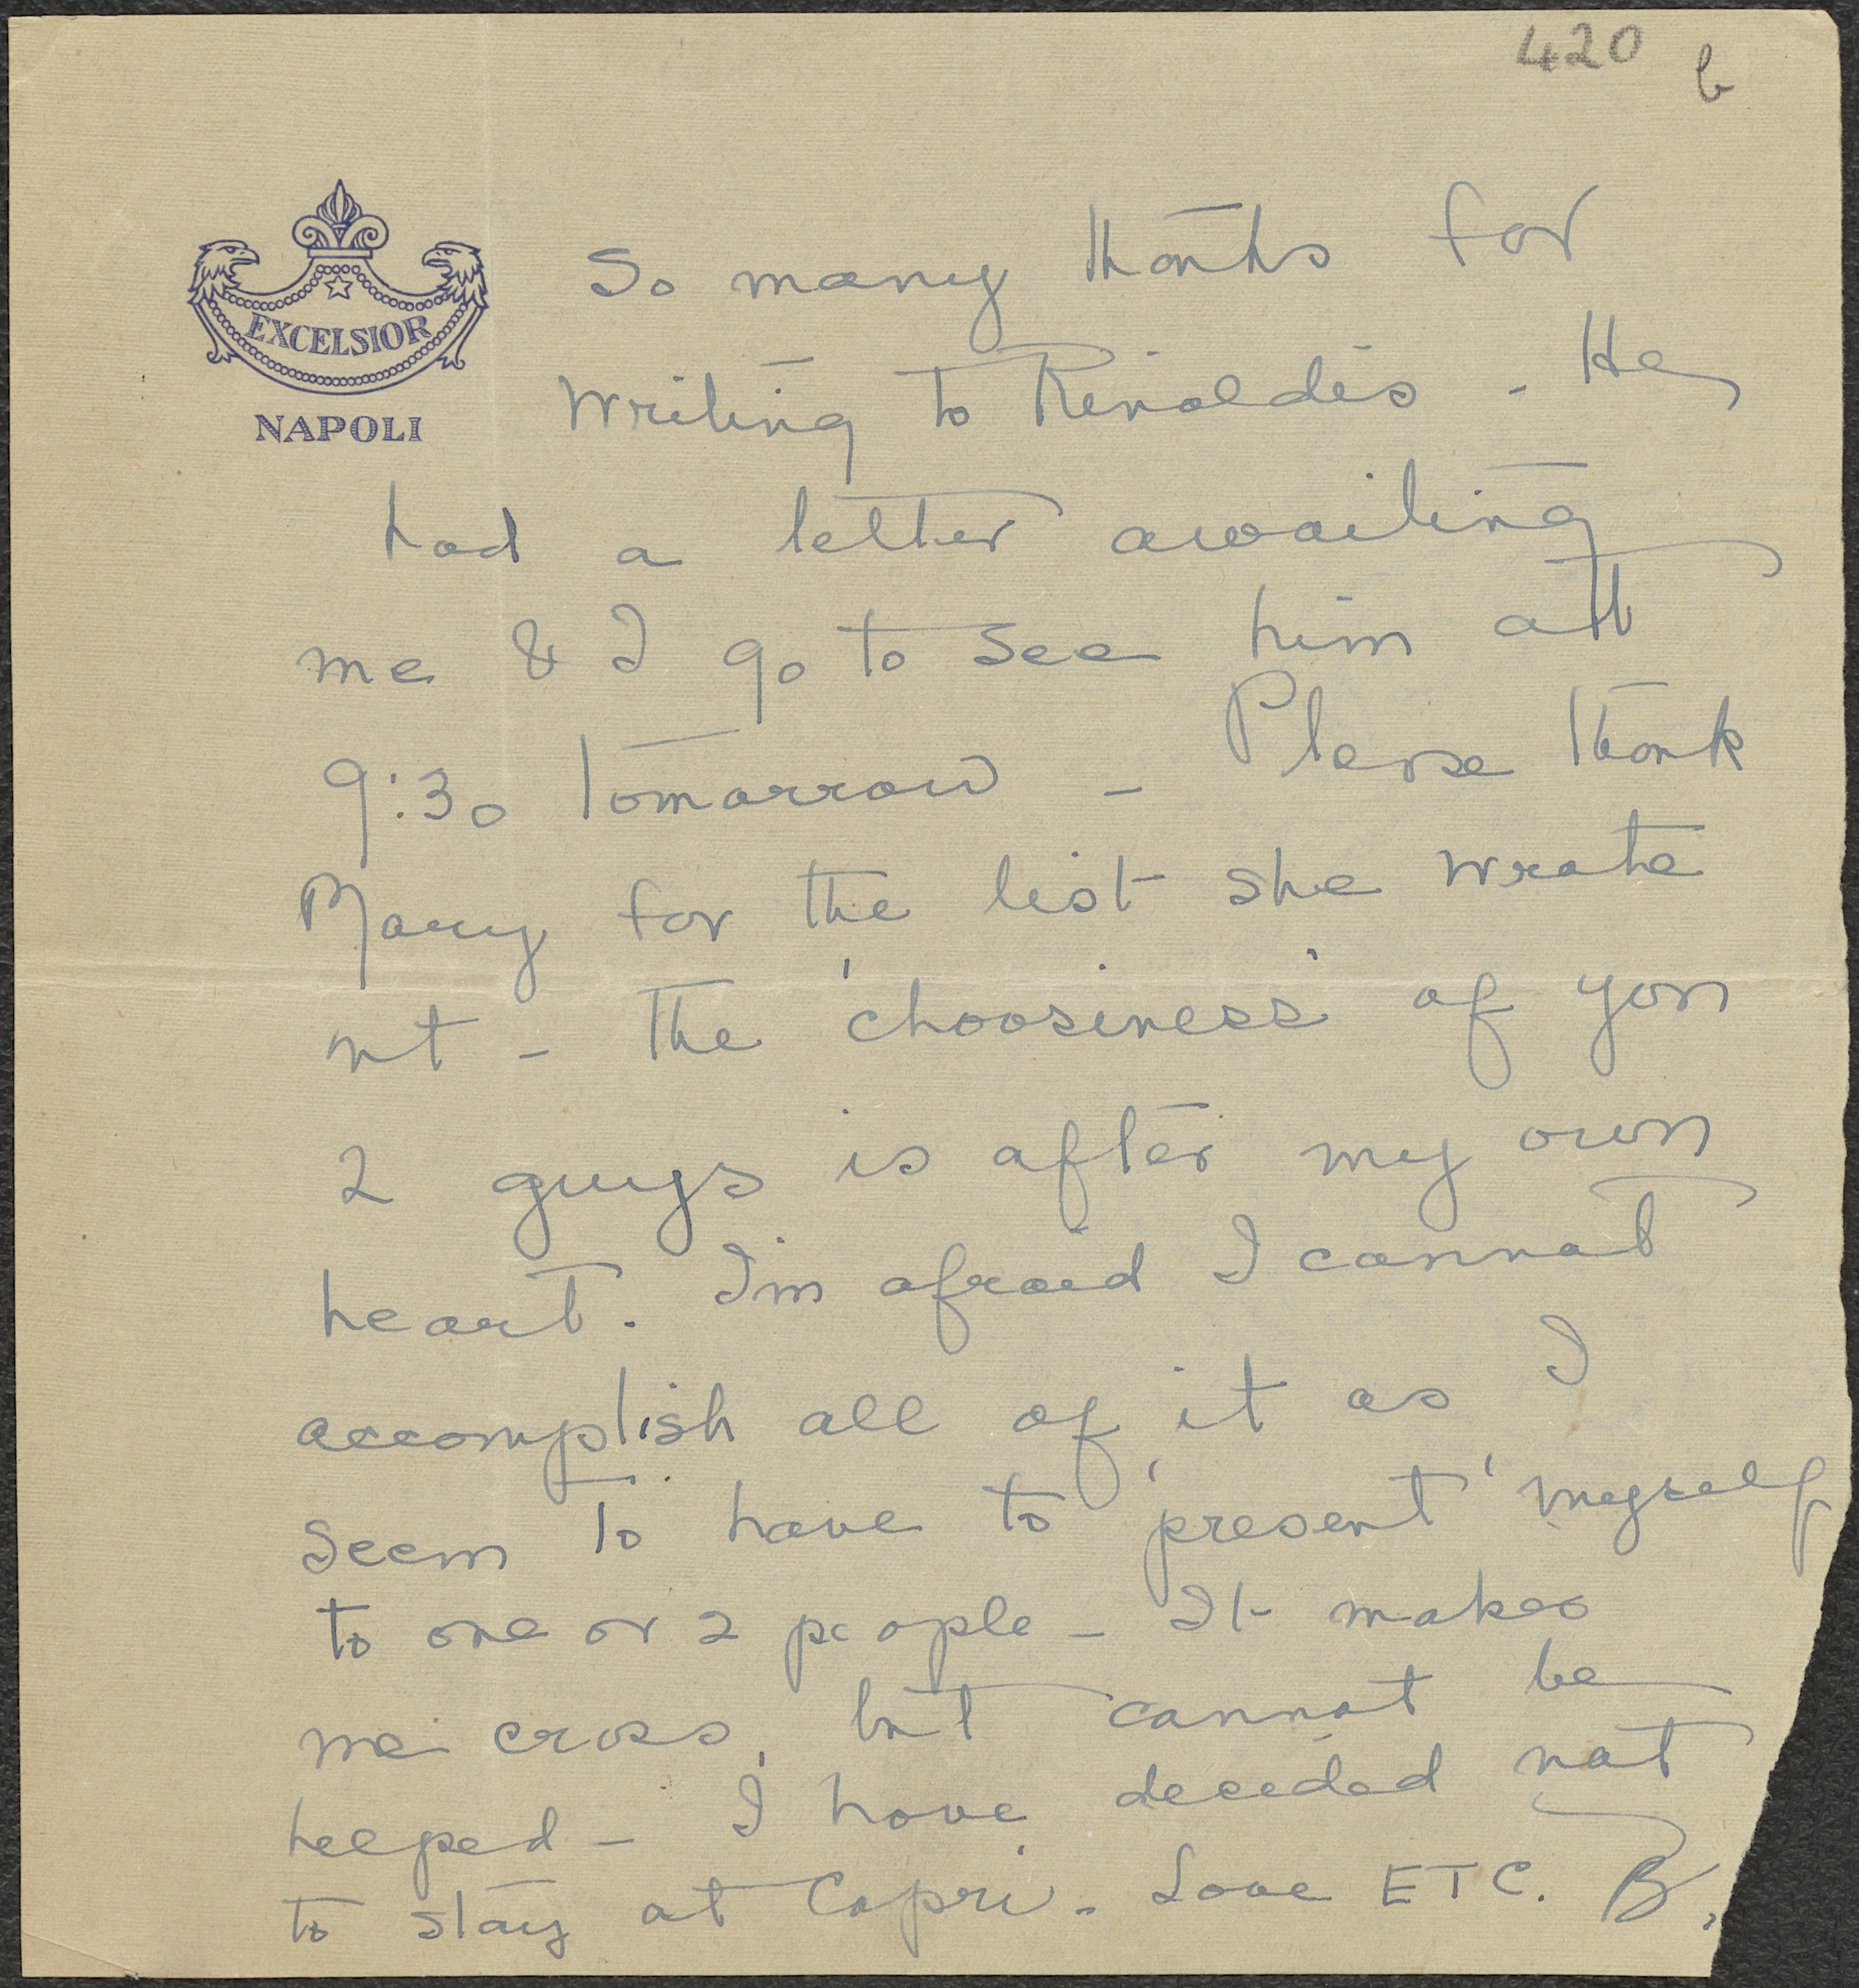So many thanks for writing to Rinaldio – He had a letter awaiting me & I go to see him at 9:30 tomorrow – Please thank Mary for the list she wrote me – The “choosiness” of you 2 guys is after my own heart. I’m afraid I cannot accomplish all of it as I seem to have to ‘present’ myself to one or 2 people – It makes me cross, but cannot be helped – I have decided not to stay at Capri – Love [in print script: ETC.] B. [loss]